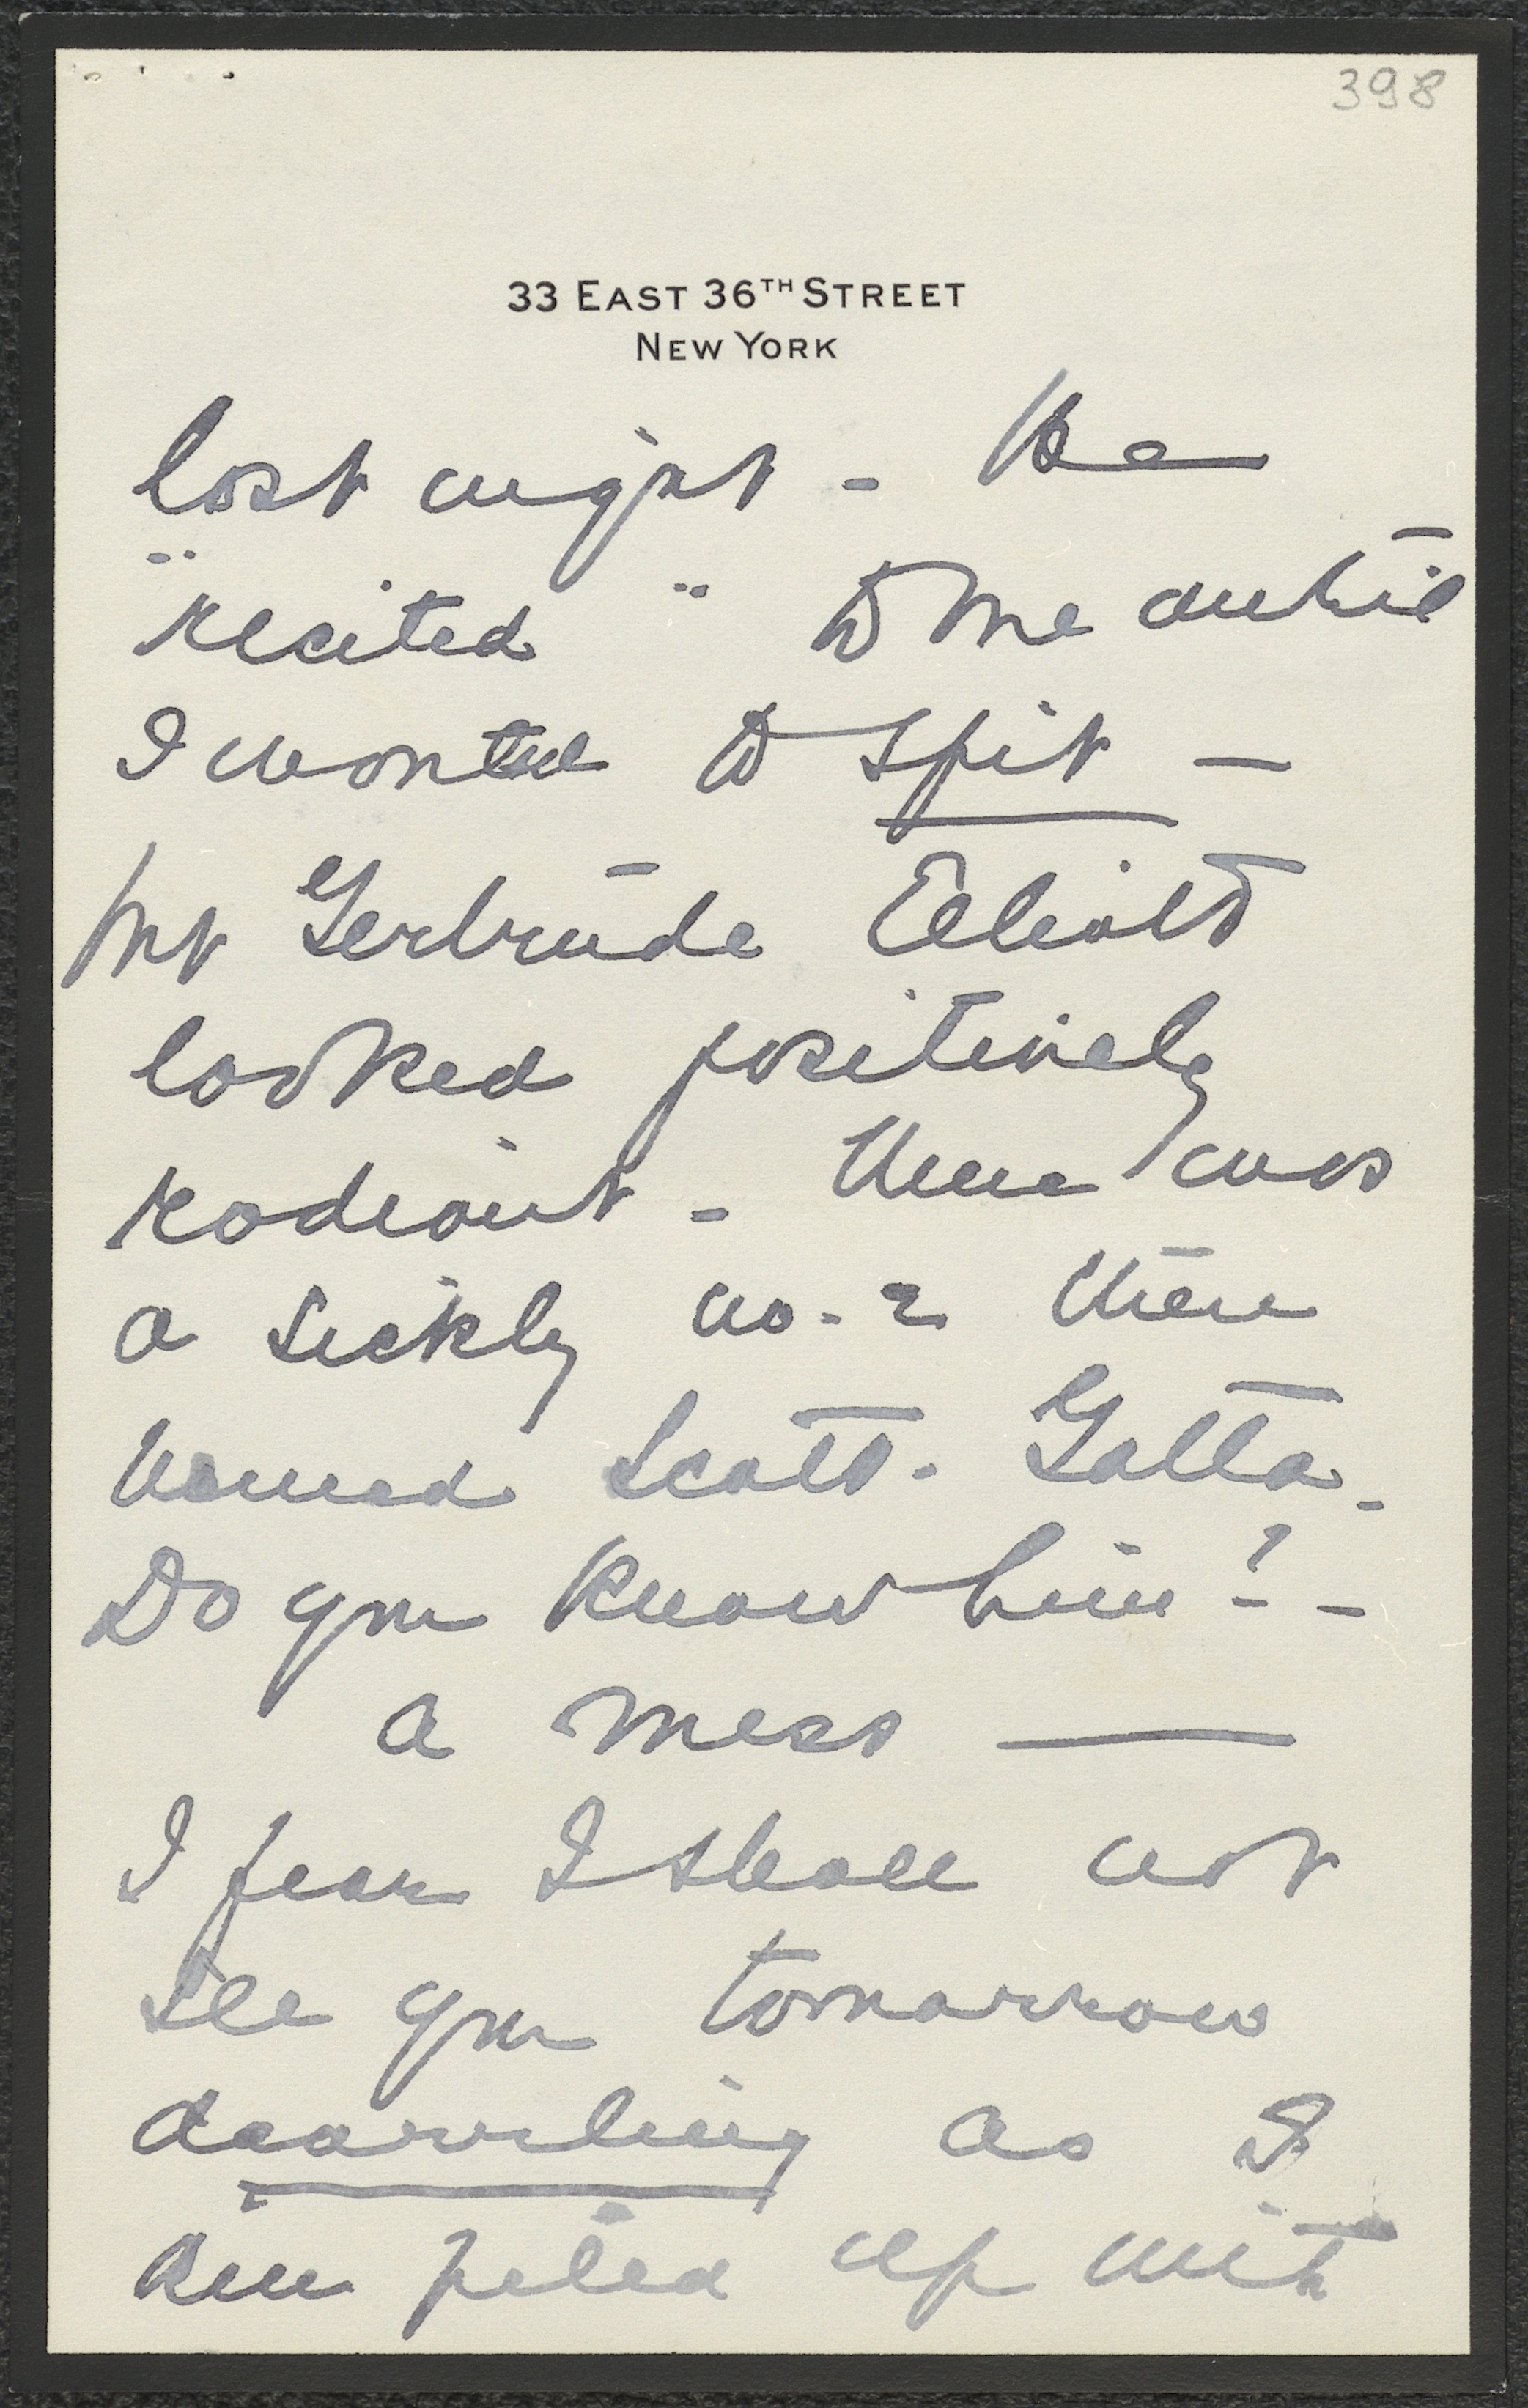last night – he “recited” to me until I wanted to spit –
but Gertrude Elliot looked positively radiant – there was a sickly no. 2 there named Scott-Gatta. Do you know him? –
a mess –
I fear I shall not see you tomorrow daarrling as I am piled up with